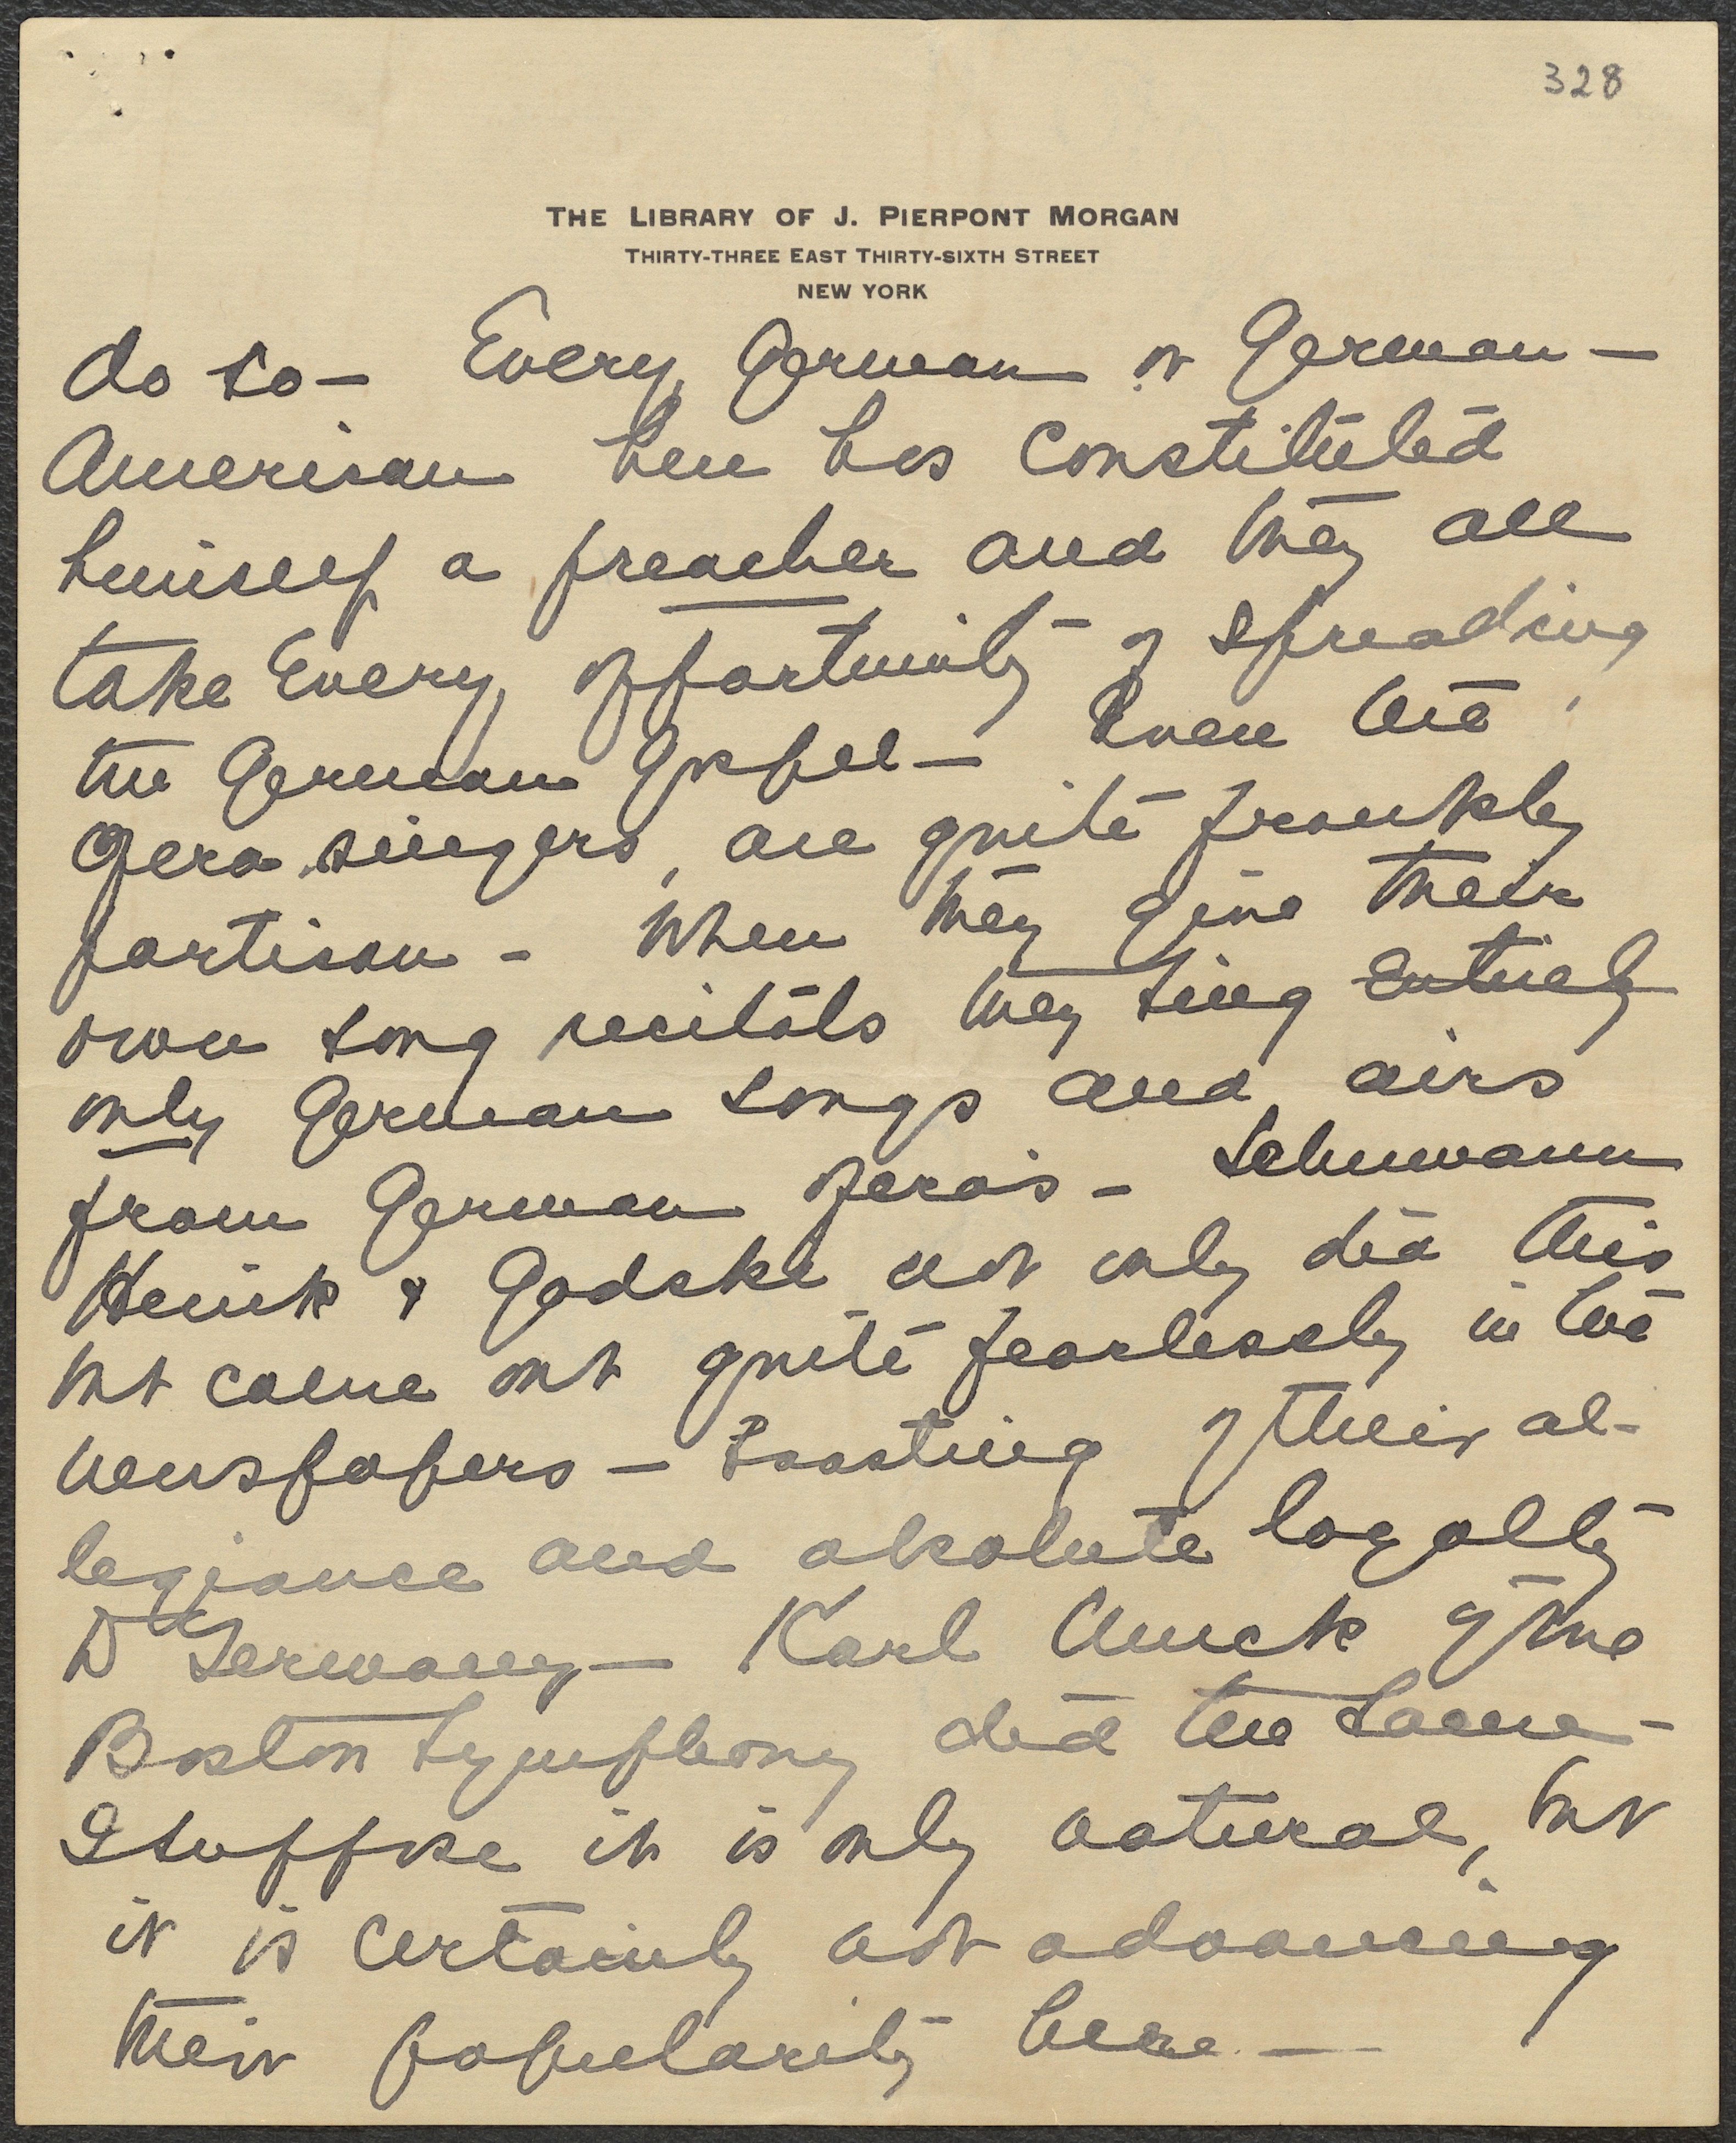do so – Every German or German-American here has constituted himself a preacher and they all take every opportunity of spreading the German gospel – Even the opera singers are quite frankly partisan – When they give their own song recitals they sing entirely only German songs and airs from German operas – Schumann Heink & Gadski not only did this but came out quite fearlessly in the newspapers – Boasting of their allegiance and absolute loyalty to Germany – Karl Muck of the Boston Symphony did the same – I suppose it is only natural, but it is certainly not advancing their popularity here –